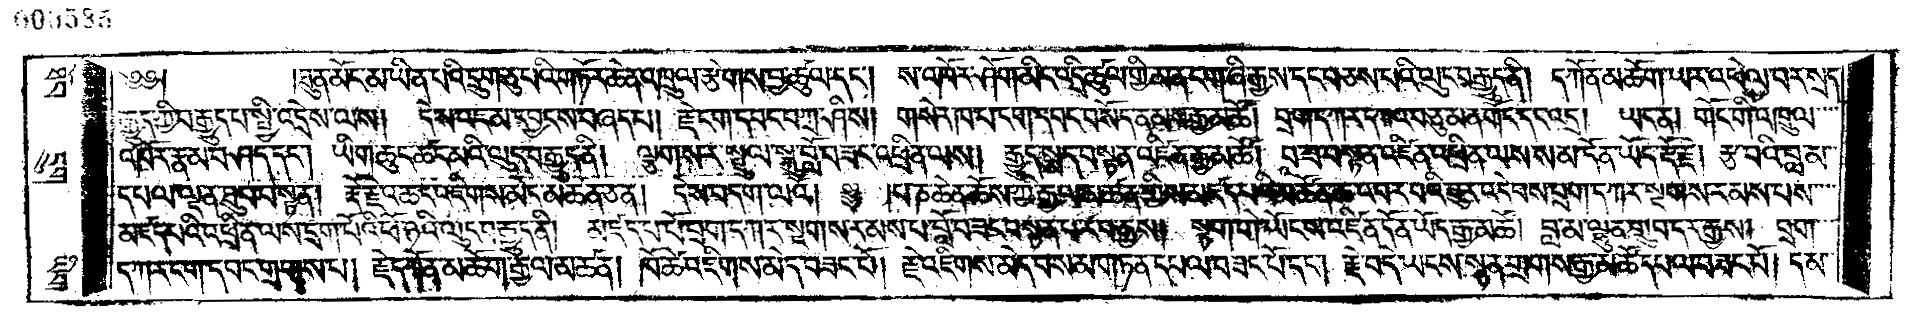༄༅། །ཐུན་མོང་མ་ཡིན་པའི་དྲུག་ཅུ་པའི་གཏོར་ཆེན་འཁྲུལ་རྩེགས་བྱ་ཚུལ་དང་། ས་འཁོར་ཤོག་མིང་འདྲི་ཚུལ་གྱི་མན་ངག་ཞི་རྒྱས་དང་བཅས་པའི་ལུང་བརྒྱུད་ནི། དཀོན་མཆོག་ཡར་འཕེལ་བར་སྲད་
རྒྱུད་ཀྱི་བརྒྱུད་པ་སྤྱི་འདྲེས་ལས། དེས་འཇམ་དབྱངས་བཞད་པ། རྗེ་ངག་དབང་བཀྲ་ཤིས། གསེར་ཁ་པ་ངག་དབང་བསོད་ནམས་རྒྱ་མཚོ། བྲག་དཀར་དཀའ་བཅུ་མན་གོང་དང་འདྲ། ཡང་ན། གོང་གི་འཁྲུལ་
འཁོར་རྣམ་བཤད་དང་། ཡིག་ཆུང་ཚང་མའི་ལུང་བརྒྱུད་ནི། ལྕགས་ར་སྤྲུལ་སྐུ་བློ་བཟང་འཕྲིན་ལས། རྒྱུད་སྨད་བསྟན་འཛིན་རྒྱ་མཚོ། བ་ཟ་བསྟན་འཛིན་འཕྲིན་ལས་སམ་དོན་ཡོད་རྡོ་རྗེ། རྩ་བའི་བླ་མ་
དཔལ་ལྡན་ཐུབ་བསྟན། རྡོ་རྗེ་འཆང་འཇིགས་མེད་མཚན་ཅན། དེས་བདག་ལའོ། ༈ །པཎ་ཆེན་ཆོས་ཀྱི་རྒྱལ་མཚན་གྱིས་མཛད་པའི་མཚོན་ཆ་འབར་བའི་ཟུར་འདེབས་བྲག་དཀར་སྔགས་རམས་པས་
མཛད་པའི་འཕྲིན་ལས་དྲག་པོའི་ཕོ་ཉའི་ལུང་བརྒྱུད་ནི། མཛད་པ་པོ་བྲག་དཀར་སྔགས་རམས་པ་བློ་བཟང་བསྟན་པ་རབ་རྒྱས། སྟག་གེ་ཡོངས་འཛིན་དོན་ཡོད་རྒྱ་མཚོ། བླ་མ་ལྷུན་གྲུབ་དར་རྒྱས། བྲག་
དཀར་ངག་དབང་གྲགས་པ། རྗེ་དཀོན་མཆོག་རྒྱལ་མཚན། ཁོ་ཚེ་འཇིགས་མེད་བཟང་པོ། རྗེ་འཇིགས་མེད་བསམ་གཏན་དཔལ་བཟང་པོ་དང་། རྗེ་བདེ་ཡངས་སྙན་གྲགས་རྒྱ་མཚོ་དཔལ་བཟང་པོ། དམ་